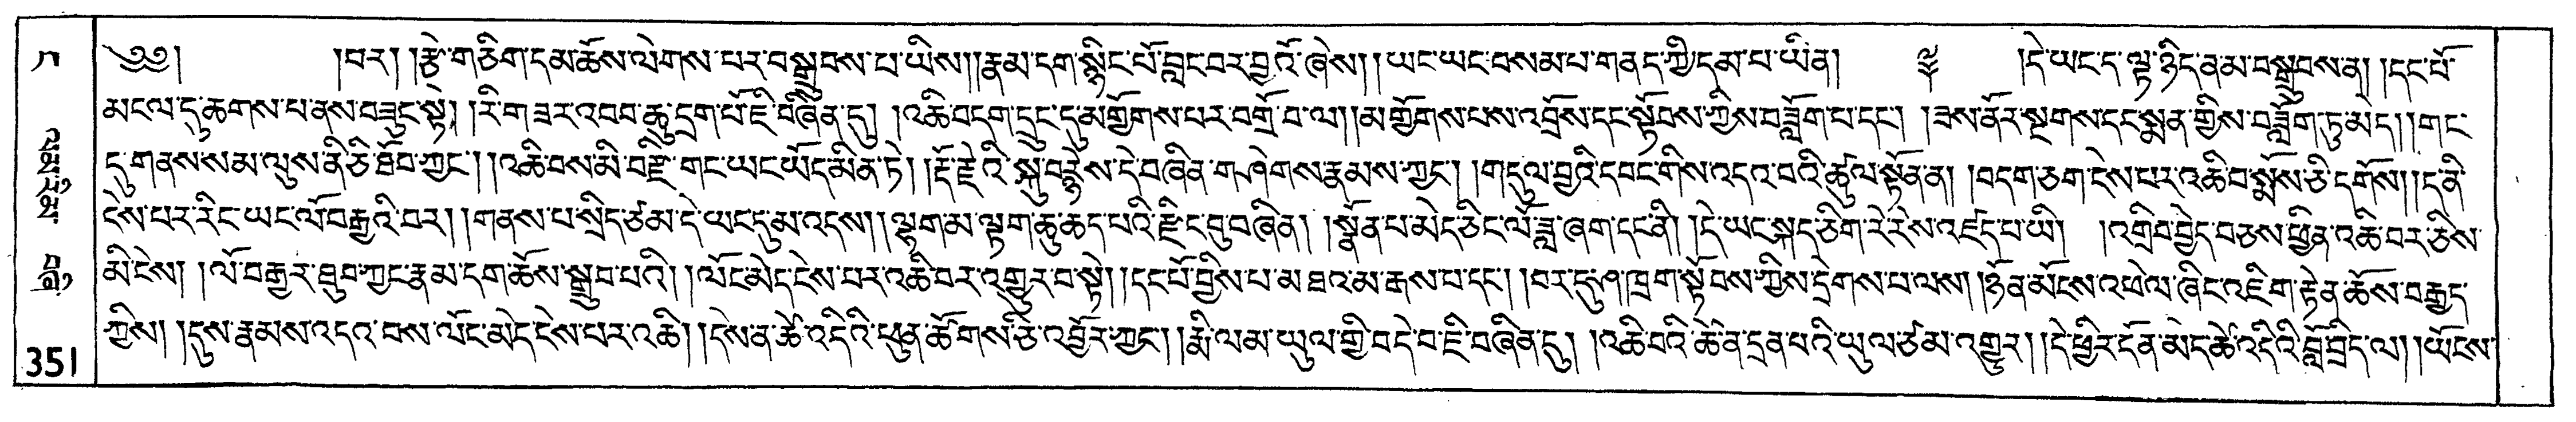༄༅། །བར། །རྩེ་གཅིག་དམ་ཆོས་ལེགས་པར་བསྒྲུབས་པ་ཡིས། །རྣམ་དག་སྙིང་པོ་བླང་བར་བྱའོ་ཞེས། །ཡང་ཡང་བསམ་པ་གནད་ཀྱི་དམ་པ་ཡིན། ༈ །དེ་ཡང་ད་ལྟ་ཉིད་ནམ་བསྒྲུབས་ན། །དང་པོ་
མངལ་དུ་ཆགས་པ་ནས་བཟུང་སྟེ། །རི་གཟར་འབབ་ཆུ་དྲག་པོ་ཇི་བཞིན་དུ། །འཆི་བདག་དྲུང་དུ་མགྱོགས་པར་བགྲོ་བ་ལ། །མགྱོགས་པས་འབྲོས་དང་སྟོབས་ཀྱིས་བཟློག་པ་དང་། །ཟས་ནོར་སྔགས་དང་སྨན་གྱིས་བཟློག་ཏུ་མེད། །གང་
དུ་གནས་སམ་ལུས་ནི་ཅི་ཐོབ་ཀྱང་། །འཆི་བས་མི་བརྫི་གང་ཡང་ཡོད་མིན་ཏེ། །རྡོ་རྗེའི་སྐུ་བརྙེས་དེ་བཞིན་གཤེགས་རྣམས་ཀྱང་། །གདུལ་བྱའི་དབང་གིས་འདའ་བའི་ཚུལ་སྟོན་ན། །བདག་ཅག་ངེས་པར་འཆི་བ་སྨོས་ཅི་དགོས། །ད་ནི་
ངེས་པར་རིང་ཡང་ལོ་བརྒྱའི་བར། །གནས་པ་སྲིད་ཙམ་དེ་ཡང་དུ་མ་འདས། །ལྷག་མ་ལྟག་ཆུ་ཆད་པའི་རྫིང་བུ་བཞིན། །སྣོན་པ་མེད་ཅིང་ལོ་ཟླ་ཞག་དང་ནི། །དེ་ཡང་སྐད་ཅིག་རེ་རེས་འཛད་པ་ཡི། །འགྲིབ་བྱེད་བཅས་ཕྱིན་འཆི་བར་ཅིས་
མི་ངེས། །ལོ་བརྒྱར་ཐུབ་ཀྱང་རྣམ་དག་ཆོས་སྒྲུབ་པའི། །ལོང་མེད་ངེས་པར་འཆི་བར་འགྱུར་བ་སྟེ། །དང་པོ་བྱིས་པ་མཐའ་མ་རྒས་པ་དང་། །བར་དུ་ཤ་ཁྲག་སྟོབས་ཀྱིས་དྲེགས་པ་ལས། །ཉོན་མོངས་འཕེལ་ཞིང་འཇིག་རྟེན་ཆོས་བརྒྱད་
ཀྱིས། །དུས་རྣམས་འདའ་བས་ལོང་མེད་ངེས་པར་འཆི། །དེས་ན་ཚེ་འདིའི་ཕུན་ཚོགས་ཅི་འབྱོར་ཀྱང་། །རྨི་ལམ་ཡུལ་གྱི་བདེ་བ་ཇི་བཞིན་དུ། །འཆི་བའི་ཚེ་ན་དྲན་པའི་ཡུལ་ཙམ་འགྱུར། །དེ་ཕྱིར་དོན་མེད་ཚེ་འདིའི་བློ་བྲིད་ལ། །ཡོངས་